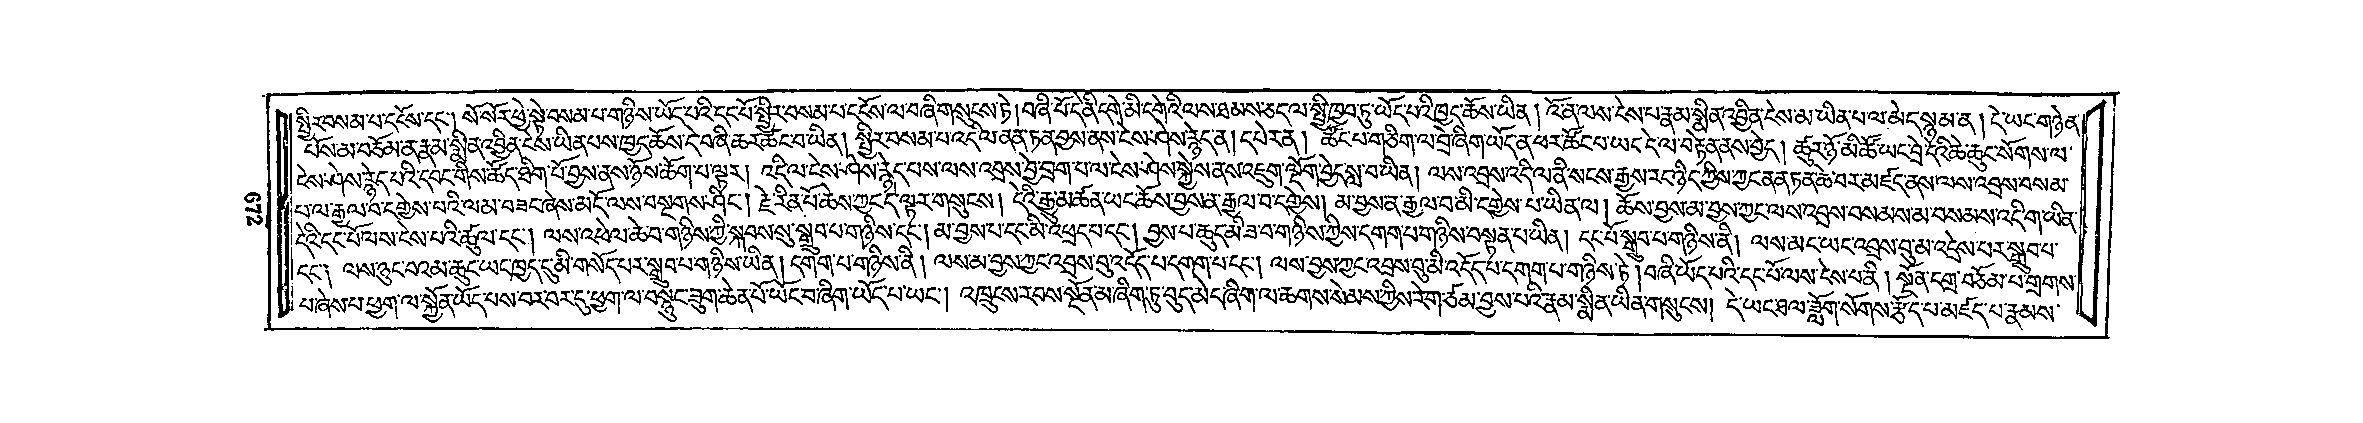སྤྱིར་བསམ་པ་དངོས་དང་། སོ་སོར་ཕྱེ་སྟེ་བསམ་པ་གཉིས་ཡོད་པའི་དང་པོ་སྤྱིར་བསམ་པ་དངོས་ལ་བཞི་གསུངས་ཏེ། བཞི་པོ་དེ་ནི་དགེ་མི་དགེའི་ལས་ཐམས་ཅད་ལ་སྤྱི་ཁྱབ་ཏུ་ཡོད་པའི་ཁྱད་ཆོས་ཡིན། འོ་ན་ལས་ངེས་པ་རྣམ་སྨིན་འབྱིན་ངེས་མ་ཡིན་པ་ལ་མེད་སྙམ་ན། དེ་ཡང་གཉེན་
པོས་མ་བཅོམ་ན་རྣམ་སྨིན་འབྱིན་ངེས་ཡིན་པས་ཁྱད་ཆོས་དེ་བཞི་ཆར་ཚང་བ་ཡིན། སྤྱིར་བསམ་པ་འདི་ལ་ནན་ཏན་བྱས་ནས་ངེས་ཤེས་རྙེད་ན། དཔེར་ན། ཚོང་པ་གཅིག་ལ་བྲེ་ཞིག་ཡོད་ན་ཕར་ཚོང་པ་ཡང་དེ་ལ་བརྟེན་ནས་བྱེད། ཚུར་ཉོ་མི་ཚོ་ཡང་བྲེ་དེའི་ཆེ་ཆུང་སོགས་ལ་
ངེས་ཤེས་རྙེད་པའི་དབང་གིས་ཚོད་ཐིག་པོ་བྱས་ནས་ཉོས་ཆོག་པ་ལྟར། འདི་ལ་ངེས་ཤེས་རྙེད་པས་ལས་འབྲས་བྱེ་བྲག་པ་ལ་ངེས་ཤེས་སྐྱེས་ནས་འཇུག་ལྡོག་བྱེད་སླ་བ་ཡིན། ལས་འབྲས་འདི་ལ་ནི་སངས་རྒྱས་རང་ཉིད་ཀྱིས་ཀྱང་ནན་ཏན་ཆེ་བར་མཛད་ནས་ལས་འབྲས་བསམ་
པ་ལ་རྒྱལ་བ་དགྱེས་པའི་ལམ་བཟང་ཞེས་མདོ་ལས་བསྔགས་ཤིང་། རྗེ་རིན་པོ་ཆེས་ཀྱང་དེ་ལྟར་གསུངས། དེའི་རྒྱུ་མཚན་ཡང་ཆོས་བྱས་ན་རྒྱལ་བ་དགྱེས། མ་བྱས་ན་རྒྱལ་བ་མི་དགྱེས་པ་ཡིན་ལ། ཆོས་བྱས་མ་བྱས་ཀྱང་ལས་འབྲས་བསམས་མ་བསམས་འདི་ག་ཡིན་
དེའི་དང་པོ་ལས་ངེས་པའི་ཚུལ་དང་། ལས་འཕེལ་ཆེ་བ་གཉིས་ཀྱི་སྐབས་སུ་སྒྲུབ་པ་གཉིས་དང་། མ་བྱས་པ་དང་མི་འཕྲད་པ་དང་། བྱས་པ་ཆུད་མི་ཟ་བ་གཉིས་ཀྱིས་དགག་པ་གཉིས་བསྟན་པ་ཡིན། དང་པོ་སྒྲུབ་པ་གཉིས་ནི། ལས་མང་ཡང་འབྲས་བུ་མ་འདྲེས་པར་སྒྲུབ་པ་
དང་། ལས་ཉུང་བའམ་ཆུང་ཡང་ཁྱད་དུ་མི་གསོད་པར་སྒྲུབ་པ་གཉིས་ཡིན། དགག་པ་གཉིས་ནི། ལས་མ་བྱས་ཀྱང་འབྲས་བུ་འདོད་པ་དགག་པ་དང་། ལས་བྱས་ཀྱང་འབྲས་བུ་མི་འདོད་པ་དགག་པ་གཉིས་ཏེ། བཞི་ཡོད་པའི་དང་པོ་ལས་ངེས་པ་ནི། སྔོན་དགྲ་བཅོམ་པ་གྲགས་
པ་ཞེས་པ་ཕྱག་ལ་སྐྱོན་ཡོད་པས་བར་བར་དུ་ཕྱག་ལ་བསྙུང་ཟུག་ཆེན་པོ་ཡོང་བ་ཞིག་ཡོད་པ་ཡང་། འཁྲུངས་རབས་སྔོན་མ་ཞིག་ཏུ་བུད་མེད་ཞིག་ལ་ཆགས་སེམས་ཀྱིས་རེག་ཙམ་བྱས་པའི་རྣམ་སྨིན་ཡིན་གསུངས། དེ་ཡང་ཐལ་ཟློག་སོགས་རྩོད་པ་མཛད་པ་རྣམས་